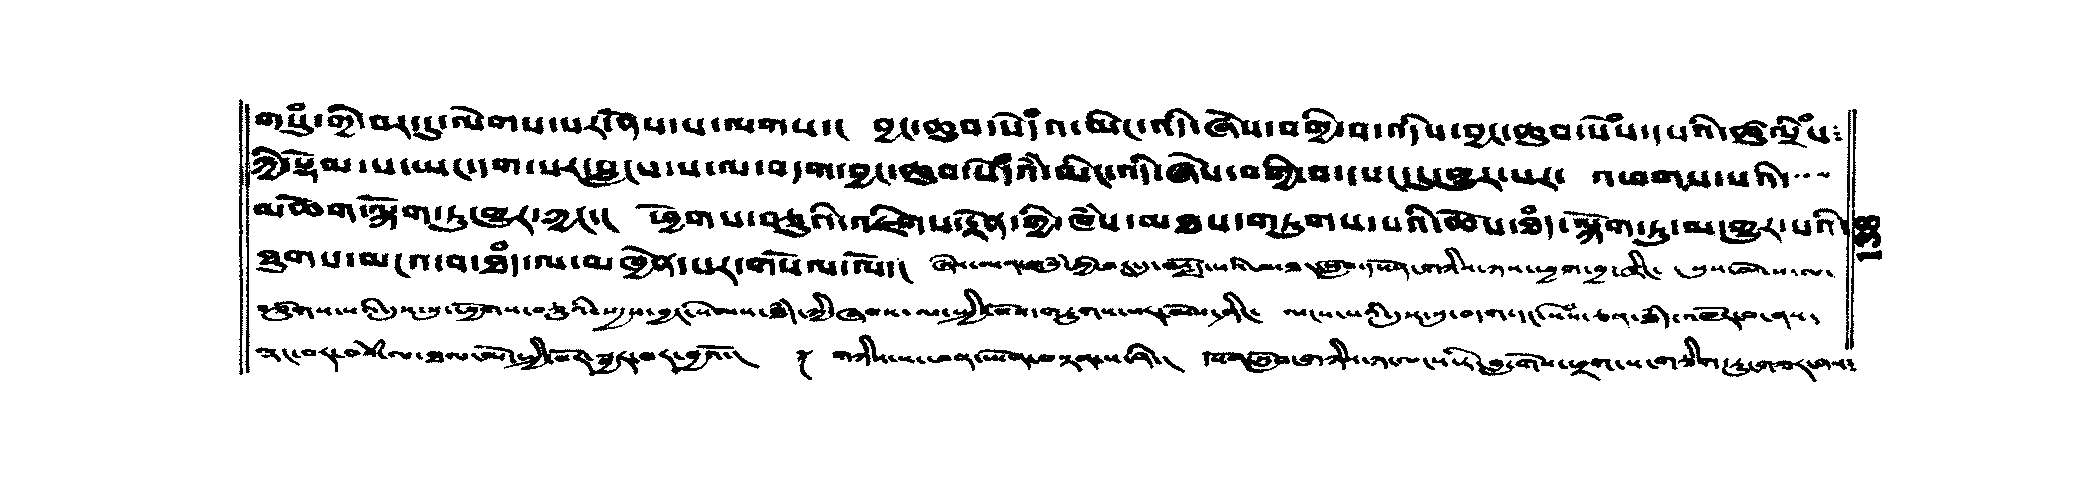གསུམ་གྱི་བར་དུ་ལེགས་པར་ནོས་པ་ལགས། བྱང་ཆུབ་སེམས་དཔའ་མིང་འདི་ཞེས་བགྱི་བ་འདིས་བྱང་ཆུབ་སེམས་དཔའི་ཚུལ་ཁྲིམས་
ཀྱི་སྡོམ་པ་ཡང་དག་པར་བླངས་པ་ལ་བདག་བྱང་ཆུབ་སེམས་དཔའམ་མིང་འདི་ཞེས་བགྱི་བ་དབང་དུ་གྱུར་པར།འཕགས་པའི་
མཆོག་ལྐོག་ཏུ་གྱུར་ཡང་། ཕྱོགས་བཅུའི་འཇིགས་རྟེན་གྱི་ཁམས་མཐས་གཏུགས་པའི་ཆོས་ཐམས་ཅད་ལྐོག་ཏུ་གྱུར་པའི་
ཐུགས་མངའ་བ་ཐམས་ཅད་ལ་མཁྱེན་པར་གསོལ་ལོ། ཞེས་ལན་གསུམ་གྱི་བར་དུ་བརྗོད་པའི་མཐར་སློབ་དཔོན་གཉིས་ཀས་ཕྱག་བྱ་ཞིང་། ལུས་མོངས་ལ་
བཙུགས་པའི་དུས་སུ་ཕྱོགས་བཅུའི་སངས་རྒྱས་བྱང་སེམས་ཐམས་ཅད་ཀྱི་ཐབས་ལ་སྤྱི་བོས་གཏུགས་པར་མོས་ཤིང་། ལངས་པའི་དུས་སུ་བདག་དང་སེམས་ཅན་ཐམས་ཅད་འཁོར་བ་ནས་
ལྡང་བའི་བསམ་ལ་ཐལ་མོ་སྤྱི་བོར་སྦྱར་བར་བྱའོ། ༈ གཉིས་པ་ཕན་ཡོན་བསྟན་པ་ནི། དཔོ་སློབ་གཉིས་ཀ་ལངས་ཏེ་བླ་གོས་ཕག་པ་གཅིག་ཏུ་གཟར་བས་